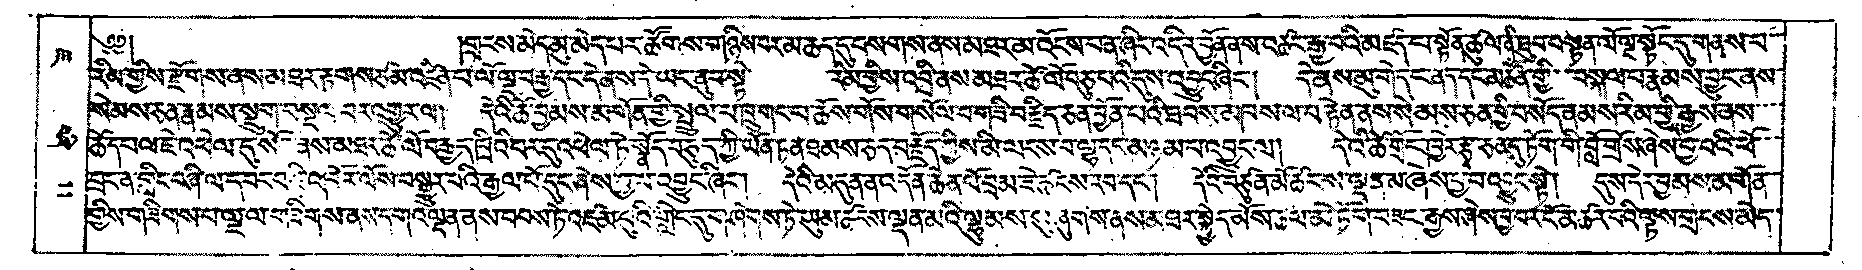༄༅། །གྲངས་མེད་མུ་མེད་པར་ཚོགས་གཉིས་པར་མ་ཆད་དུ་བསགས་ནས་མཐར་མ་འོངས་པ་ན་ཞིང་འདིར་བྱོན་ནས་འཚང་རྒྱ་བའི་མཛད་པ་སྟོན་ཚུལ་ནི་ཐུབ་བསྟན་ལོ་ལྔ་སྟོང་དུ་གནས་པ་
རིམ་གྱིས་རྫོགས་ནས་མཐར་རྟགས་ཙམ་འཛིན་པ་ལོ་ལྔ་བརྒྱ་དང་དེ་ནས་དེ་ཡང་ནུབ་སྟེ་རིམ་གྱིས་འབྲི་ནས་མཐར་ཚེ་ལོ་བཅུ་པའི་དུས་འབྱུང་ཞིང་། དེ་ནས་མུ་གེ་དང་ནད་དང་མཚོན་གྱི་བསྐལ་པ་རྣམས་བྱུང་ནས་
སེམས་ཅན་རྣམས་སྡུག་བསྔལ་བར་འགྱུར་ལ། དེའི་ཚེ་བྱམས་མགོན་གྱི་སྤྲུལ་པ་ཁྲུ་གང་པ་ཆོས་གོས་གསོལ་བ་གཟི་བརྗིད་ཅན་བྱོན་པའི་ཐབས་མཁས་ལ་བརྟེན་ནས་སེམས་ཅན་གྱི་བསོད་ནམས་རིམ་གྱིས་རྒྱས་ནས་
ཚེ་དཔལ་ཇེ་འཕེལ་དུ་སོང་ནས་མཐར་ཚེ་ལོ་བརྒྱད་ཁྲིའི་བར་དུ་འཕེལ་ཏེ་སྣོད་བཅུད་ཀྱི་ཡོན་ཏན་ཐམས་ཅད་བརྗོད་ཀྱིས་མི་ལངས་བ་ལྷ་དང་མཉམ་པ་འབྱུང་ལ། དེའི་ཚེ་གྲོང་ཁྱེར་རྩྭ་ཅན་དུ་ཏོག་གི་བློ་གྲོས་ཞེས་བྱ་བའི་ཕོ་
བྲང་ན་གླིང་བཞི་ལ་དབང་བའི་འཁོར་ལོས་བསྒྱུར་བའི་རྒྱལ་པོ་དུང་ཞེས་བྱ་བ་འབྱུང་ཞིང་། དེའི་མདུན་ན་འདོན་ཆེན་པོ་བྲམ་ཟེ་ཚངས་རབ་དང་། དེའི་བཙུན་མོ་ཚངས་ལྡན་མ་ཞེས་བྱ་བ་འབྱུང་སྟེ། དུས་དེར་བྱམས་མགོན་
གྱིས་གཟིགས་པ་ལྔ་ལ་གཟིགས་ནས་དགའ་ལྡན་ནས་བབས་ཏེ་འཛམ་བུའི་གླིང་དུ་གཤེགས་ཏེ་ཡུམ་ཚངས་ལྡན་མའི་ལྷུམས་སུ་ཞུགས་ནས་མཐར་སྐྱེད་མོས་ཚལ་མེ་ཏོག་བཟང་རྒྱས་ཞེས་བྱ་བར་ངོ་མཚར་བའི་ལྟས་གྲངས་མེད་